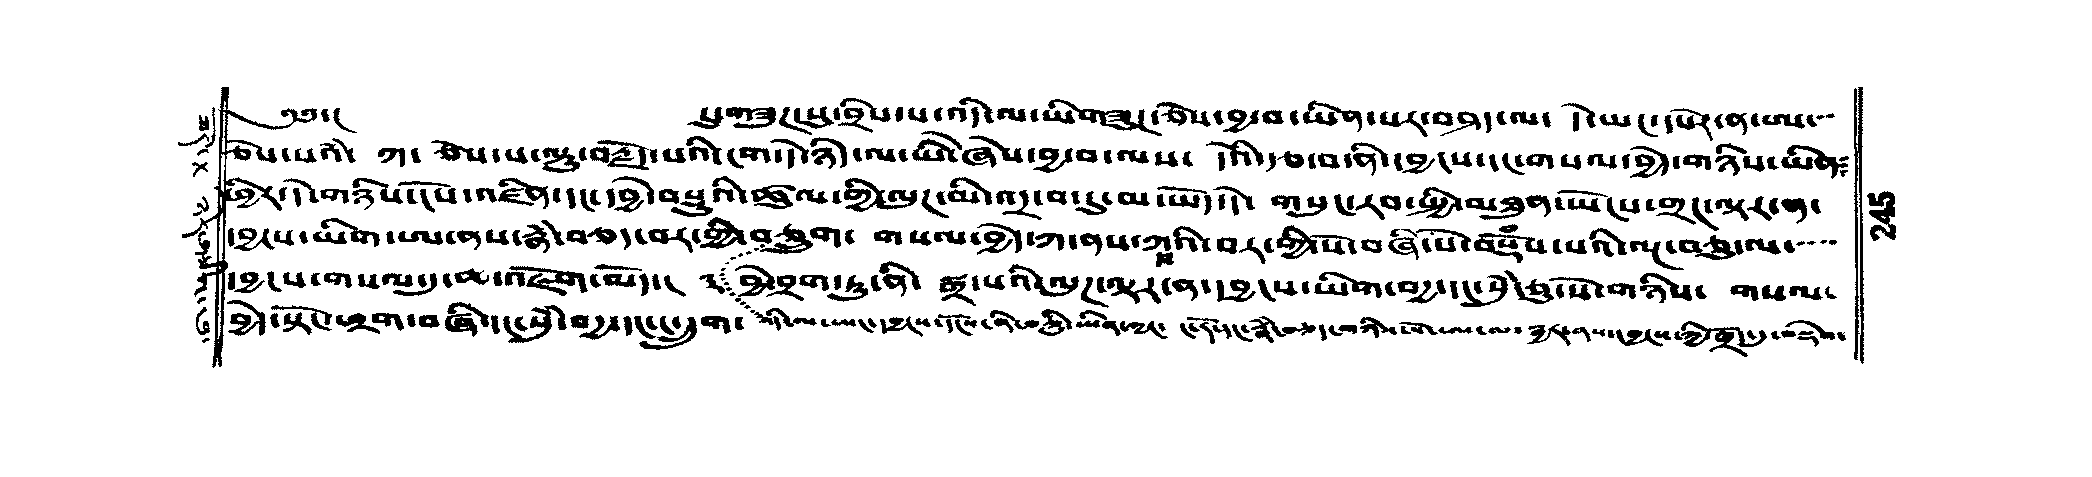དུཔགཟུགསཔསུཔབྲིསཔ་པའདིཔལཔཡིགཔགཟུགསཔཅེསཔབྱཔབཔབཤདཔལ། དེཔཡངཔད་ེརཔནཔཨ་
པཞེསཔ་འམཔཀཔཞེསཔལྟཔབུཔབརྗོདཔ་འིཔངགཔདེཔཉིདཔལཔཡིཔགེཔཞེསཔབྱཔབཔལས། དེའིཔརྩཔབཔནིཔདབྱངསཔདངཔགསལཔབྱེདཔགཉིསཔཡིན་
ཕྱིརཔདེཔགཉིསཔངོསཔའཛིནཔདངཔདབྱེཔབསྡུའིཔཚུལཔགྱིཔལུགསཔམིཔའདྲཔབཔཡོདཔདེ། གསུངཔརབཔསྤྱིཔམཐུནཔཡོངསཔགྲགསཔལྟརཔན་
པདབྱངསཔཡིགཔཨཔནསཔརྣམཔབཅདཔབརཔགྱིཔབཅུཔདྲུག གསལཔབྱེདཔགནསཔཀྵའིཔབརཔགྱིཔསོཔབཞིཔ་ོཔབསྡོམསཔ་འིཔལྔཔབཅུཔལ་
པདབྱངསཔགསལཔདུཔཆཔའཇོགཔམོད། བྱེཔབྲགཔཏཔནི། སྒྲཔ་འིཔལུགསཔལྟརཔནཔདབྱངསཔཡིགཔབརྒྱཔདངཔསུམཔཅུཔསོཔགཉིས། གསལ་
བྱེདཔསྟོངཔཕྲགཔབཞིཔདངཔསུམཔབརྒྱཔདངཔངཔདྲུག